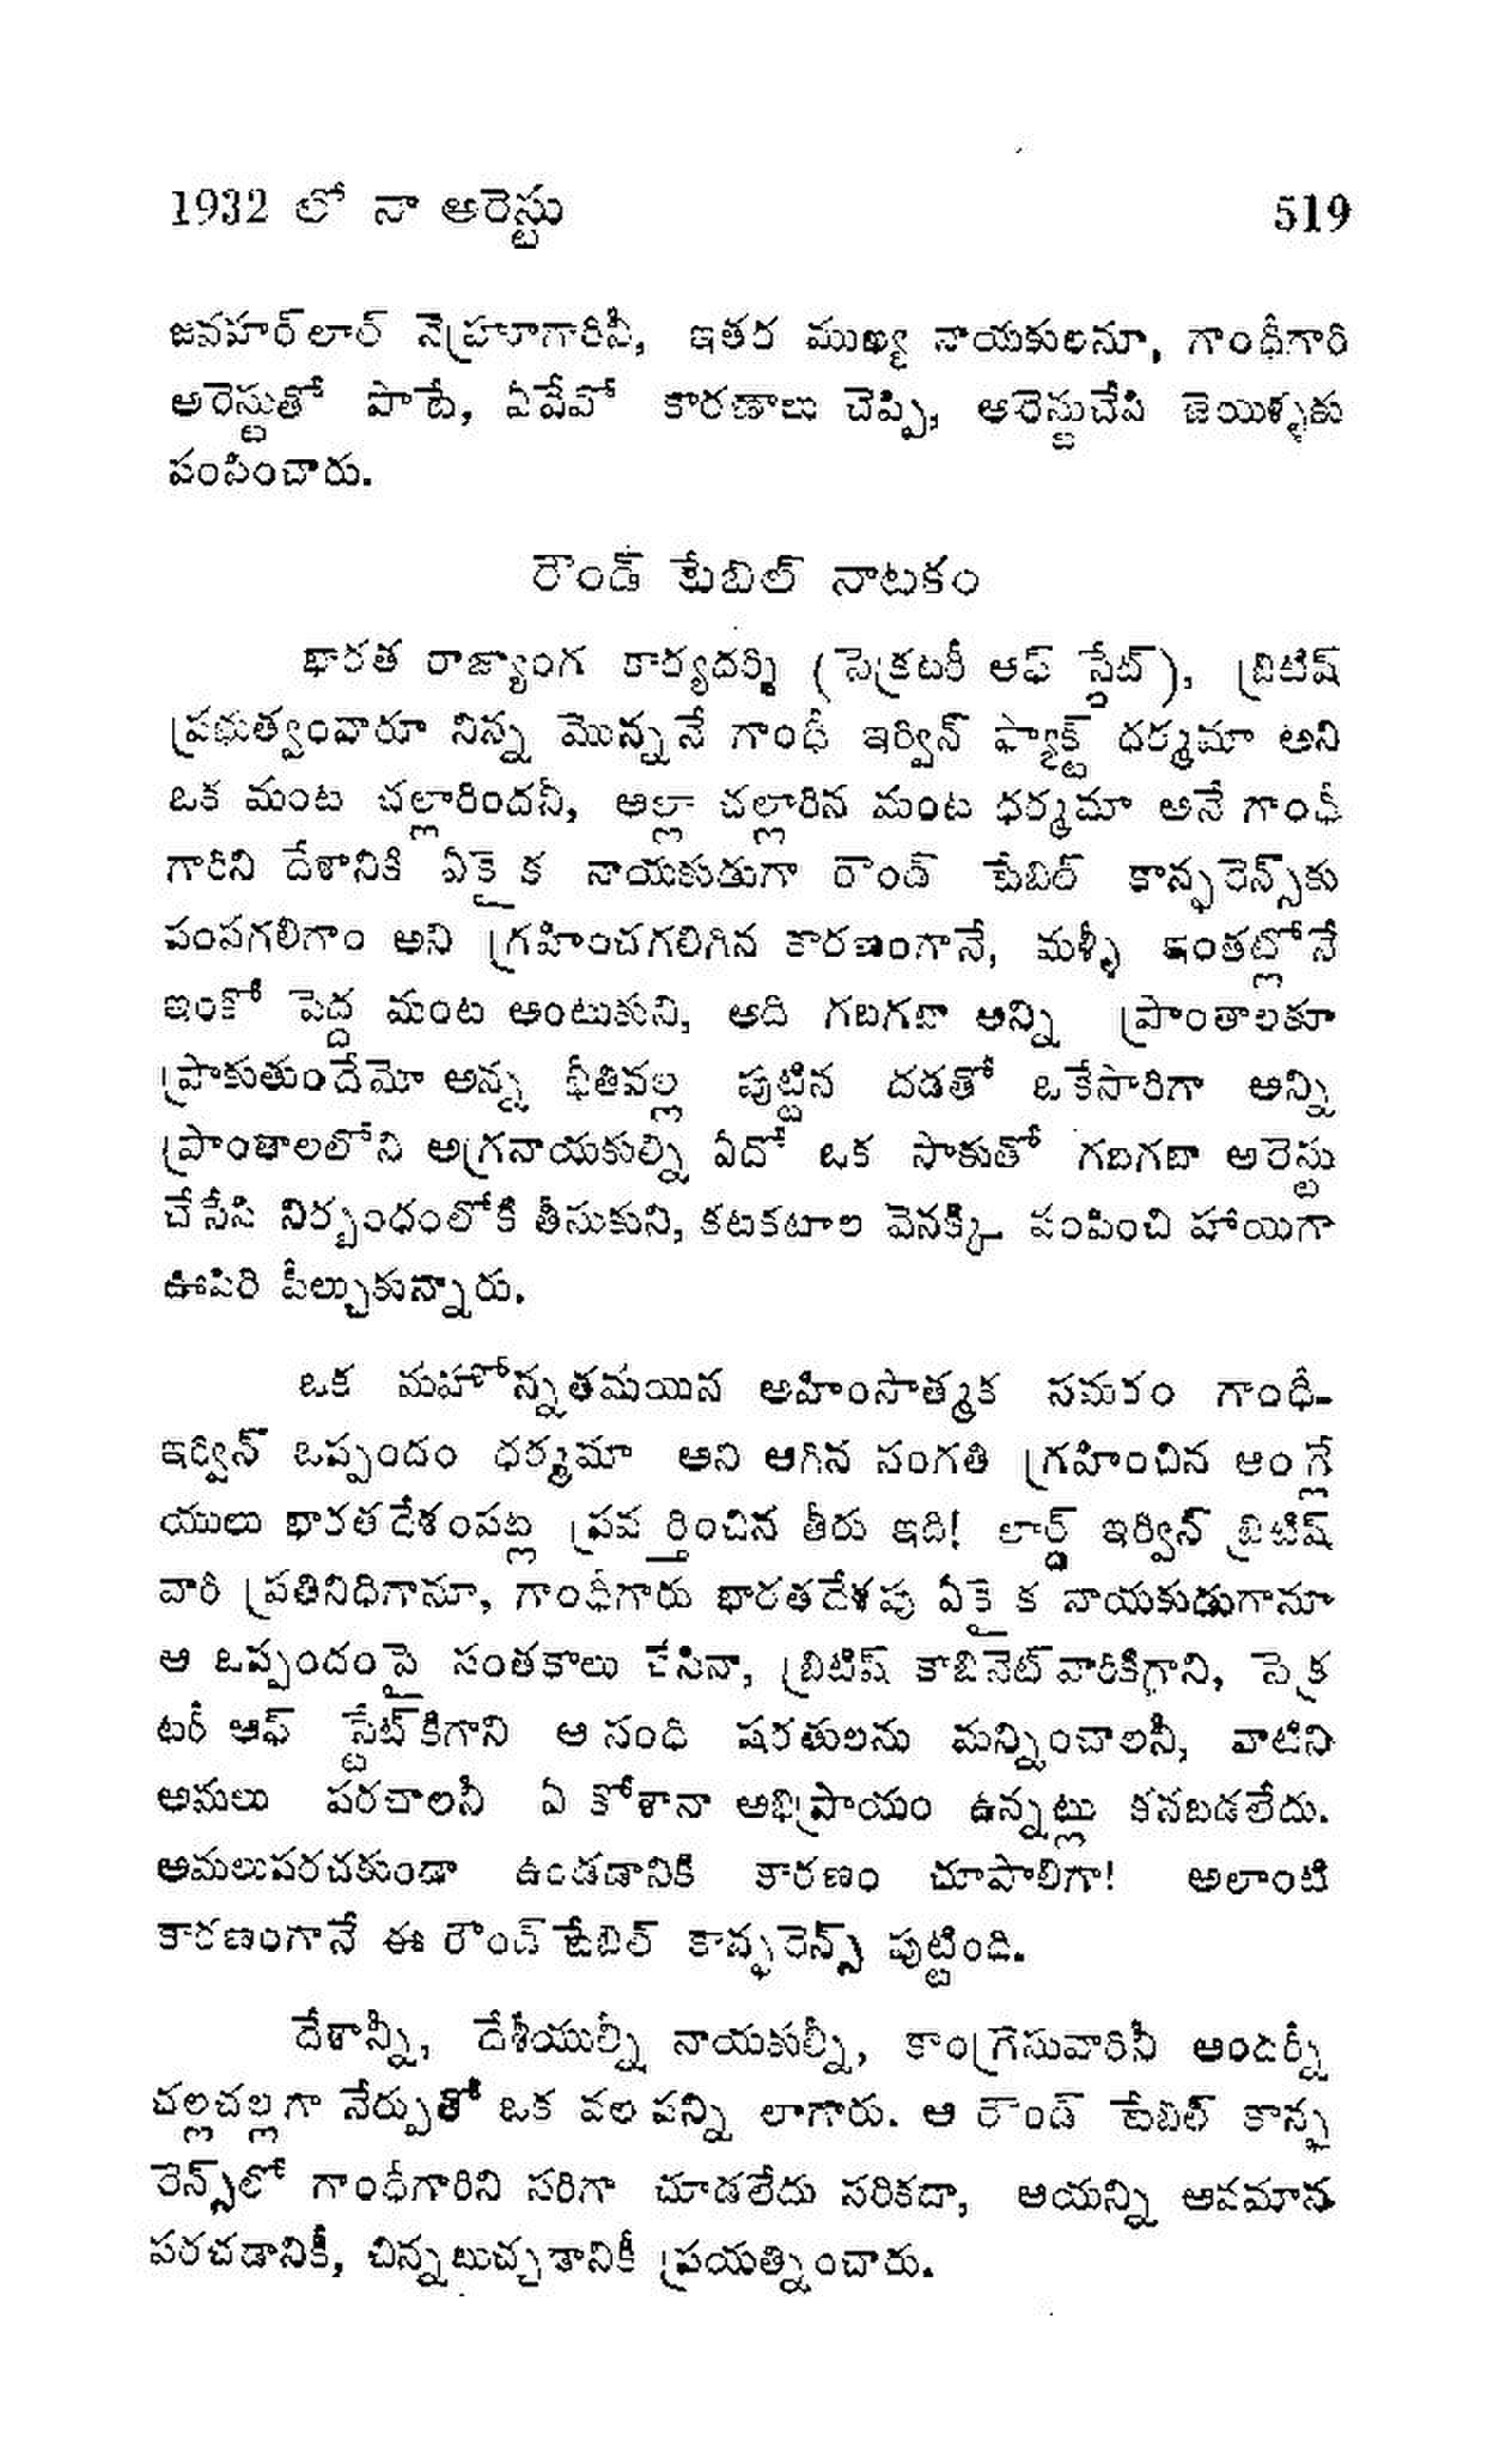జవహర్‌లాల్ నెహ్రూగారినీ, ఇతర ముఖ్య నాయకులనూ, గాంధీగారి అరెస్టుతో పాటే, ఏవేవో కారణాలు చెప్పి, అరెస్టుచేసి జెయిళ్ళకు పంపించారు.

భారత రాజ్యాంగ కార్యదర్శి (సెక్రటరీ ఆఫ్ స్టేట్), బ్రిటిష్ ప్రభుత్వంవారూ నిన్న మొన్ననే గాంధీ ఇర్విన్ ప్యాక్ట్ ధర్మమా అని ఒక మంట చల్లారిందనీ, అల్లా చల్లారిన మంట ధర్మమా అనే గాంధీగారిని దేశానికి ఏకైక నాయకుడుగా రౌండ్ టేబిల్ కాన్ఫరెన్స్‌కు పంపగలిగాం అని గ్రహించగలిగిన కారణంగానే, మళ్ళీ ఇంతట్లోనే ఇంకో పెద్ద మంట అంటుకుని, అది గబగబా అన్ని ప్రాంతాలకూ ప్రాకుతుందేమో అన్న భీతివల్ల పుట్టిన దడతో ఒకేసారిగా అన్ని ప్రాంతాలలోని అగ్రనాయకుల్ని ఏదో ఒక సాకుతో గబగబా అరెస్టుచేసేసి నిర్బంధంలోకి తీసుకుని, కటకటాల వెనక్కి పంపించి హాయిగా ఊపిరి పీల్చుకున్నారు.

ఒక మహోన్నతమయిన అహింసాత్మక సమరం గాంధీ - ఇర్విన్ ఒప్పందం ధర్మమా అని ఆగిన సంగతి గ్రహించిన ఆంగ్లేయులు భారతదేశంపట్ల ప్రవర్తించిన తీరు ఇది! లార్డ్ ఇర్విన్ బ్రిటిష్ వారి ప్రతినిధిగానూ, గాంధీగారు భారతదేశపు ఏకైక నాయకుడుగానూ ఆ ఒప్పందంపై సంతకాలు చేసినా, బ్రిటిష్ కాబినెట్‌వారికిగాని, సెక్రటరీ ఆఫ్ స్టేట్‌కిగాని ఆ సంధి షరతులను మన్నించాలనీ, వాటిని అమలు పరచాలనీ ఏ కోశానా అభిప్రాయం ఉన్నట్లు కనబడలేదు. అమలుపరచకుండా ఉండడానికి కారణం చూపాలిగా! అలాంటి కారణంగానే ఈ రౌండ్ టేబిల్ కాన్ఫరెన్స్ పుట్టింది.

దేశాన్నీ, దేశీయుల్నీ, నాయకుల్నీ, కాంగ్రెసువారినీ అందర్నీ చల్లచల్లగా నేర్పుతో ఒక వల పన్ని లాగారు. ఆ రౌండ్ టేబిల్ కాన్ఫరెన్స్‌లో గాంధీగారిని సరిగా చూడలేదు సరికదా, ఆయన్ని అవమాన పరచడానికీ, చిన్నబుచ్చడానికీ ప్రయత్నించారు.